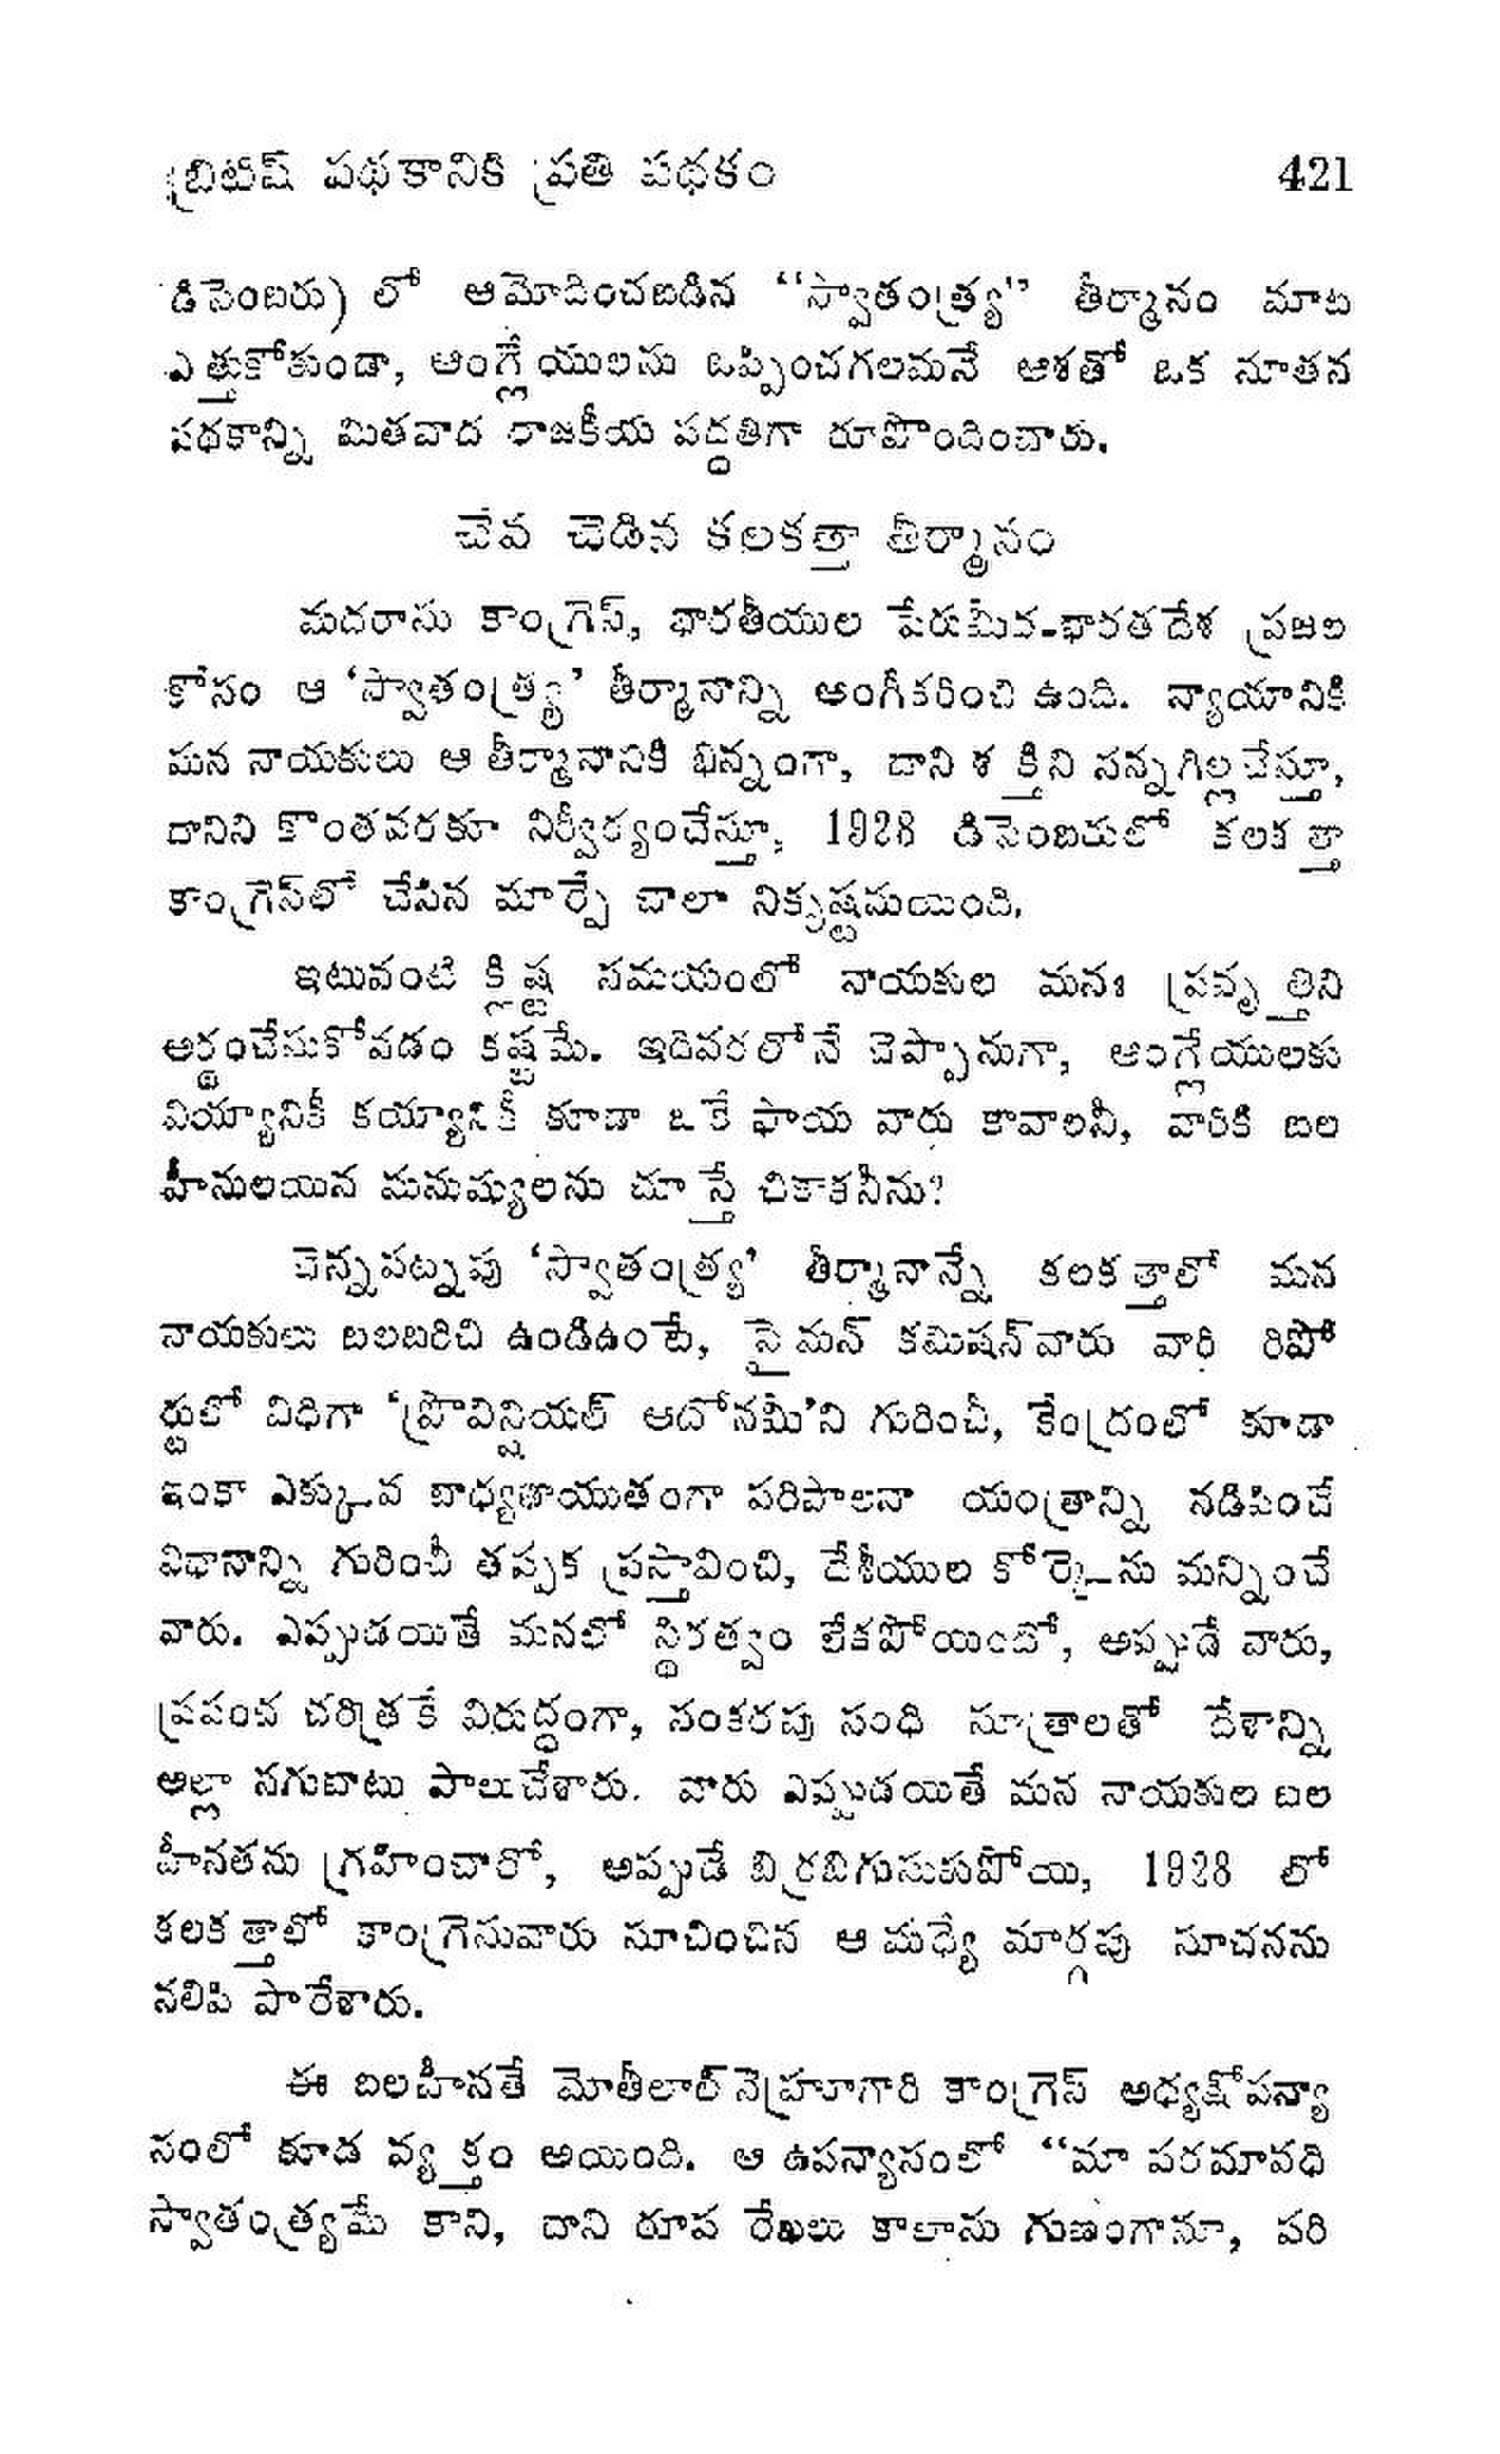డిసెంబరు)లో ఆమోదించబడిన "స్వాతంత్ర్య" తీర్మానం మాట ఎత్తుకోకుండా, ఆంగ్లేయులను ఒప్పించగలమనే ఆశతో ఒక నూతన పథకాన్ని మితవాద రాజకీయ పద్దతిగా రూపొందించారు.

మదరాసు కాంగ్రెస్, భారతీయుల పేరుమీద - భారతదేశ ప్రజల కోసం ఆ 'స్వాతంత్ర్య' తీర్మానాన్ని అంగీకరించి ఉంది. న్యాయానికి మన నాయకులు ఆ తీర్మానానికి భిన్నంగా, దాని శక్తిని సన్నగిల్లచేస్తూ, దానిని కొంతవరకూ నిర్వీర్యంచేస్తూ, 1928 డిసెంబరులో కలకత్తా కాంగ్రెస్‌లో చేసిన మార్పే చాలా నికృష్టమయింది.

ఇటువంటి క్లిష్ట సమయంలో నాయకుల మన: ప్రవృత్తిని అర్థంచేసుకోవడం కష్టమే. ఇదివరలోనే చెప్పానుగా, ఆంగ్లేయులకు వియ్యానికీ కయ్యానికీ కూడా ఒకే ఫాయ వారు కావాలనీ, వారికి బలహీనులయిన మనుష్యులను చూస్తే చికాకనీను?

చెన్నపట్నపు 'స్వాతంత్ర్య' తీర్మానాన్నే కలకత్తాలో మన నాయకులు బలపరచి ఉండిఉంటే, సైమన్ కమిషన్‌వారు వారి రిపోర్టులో విధిగా 'ప్రొవిన్షియల్ ఆటోనమీ'ని గురించీ, కేంద్రంలో కూడా ఇంకా ఎక్కువ భాధ్యతాయుతంగా పరిపాలనా యంత్రాన్ని నడిపించే విధానాన్ని గురించీ తప్పక ప్రస్తావించి, దేశీయుల కోర్కెను మన్నించేవారు. ఎప్పుడయితే మనలో స్థిరత్వం లేకపోయిందో, అప్పుడే వారు, ప్రపంచ చరిత్రకే విరుద్ధంగా, సంకరపు సంధి సూత్రాలతో దేశాన్ని అల్లా నగుబాటు పాలుచేశారు. వారు ఎప్పుడయితే మన నాయకుల బలహీనతను గ్రహించారో, అప్పుడే బిర్రబిగుసుకుపోయి, 1928 లో కలకత్తాలో కాంగ్రెసువారు సూచించిన ఆ మధ్యే మార్గపు సూచనను నలిపి పారేశారు.

ఈ బలహీనతే మోతీలాల్‌నెహ్రూగారి కాంగ్రెస్ అధ్యక్షోపన్యాసంలో కూడ వ్యక్తం అయింది. ఆ ఉపన్యాసంలో "మా పరమావధి స్వాతంత్ర్యమే కాని, దాని రూప రేఖలు కాలాను గుణంగానూ, పరి